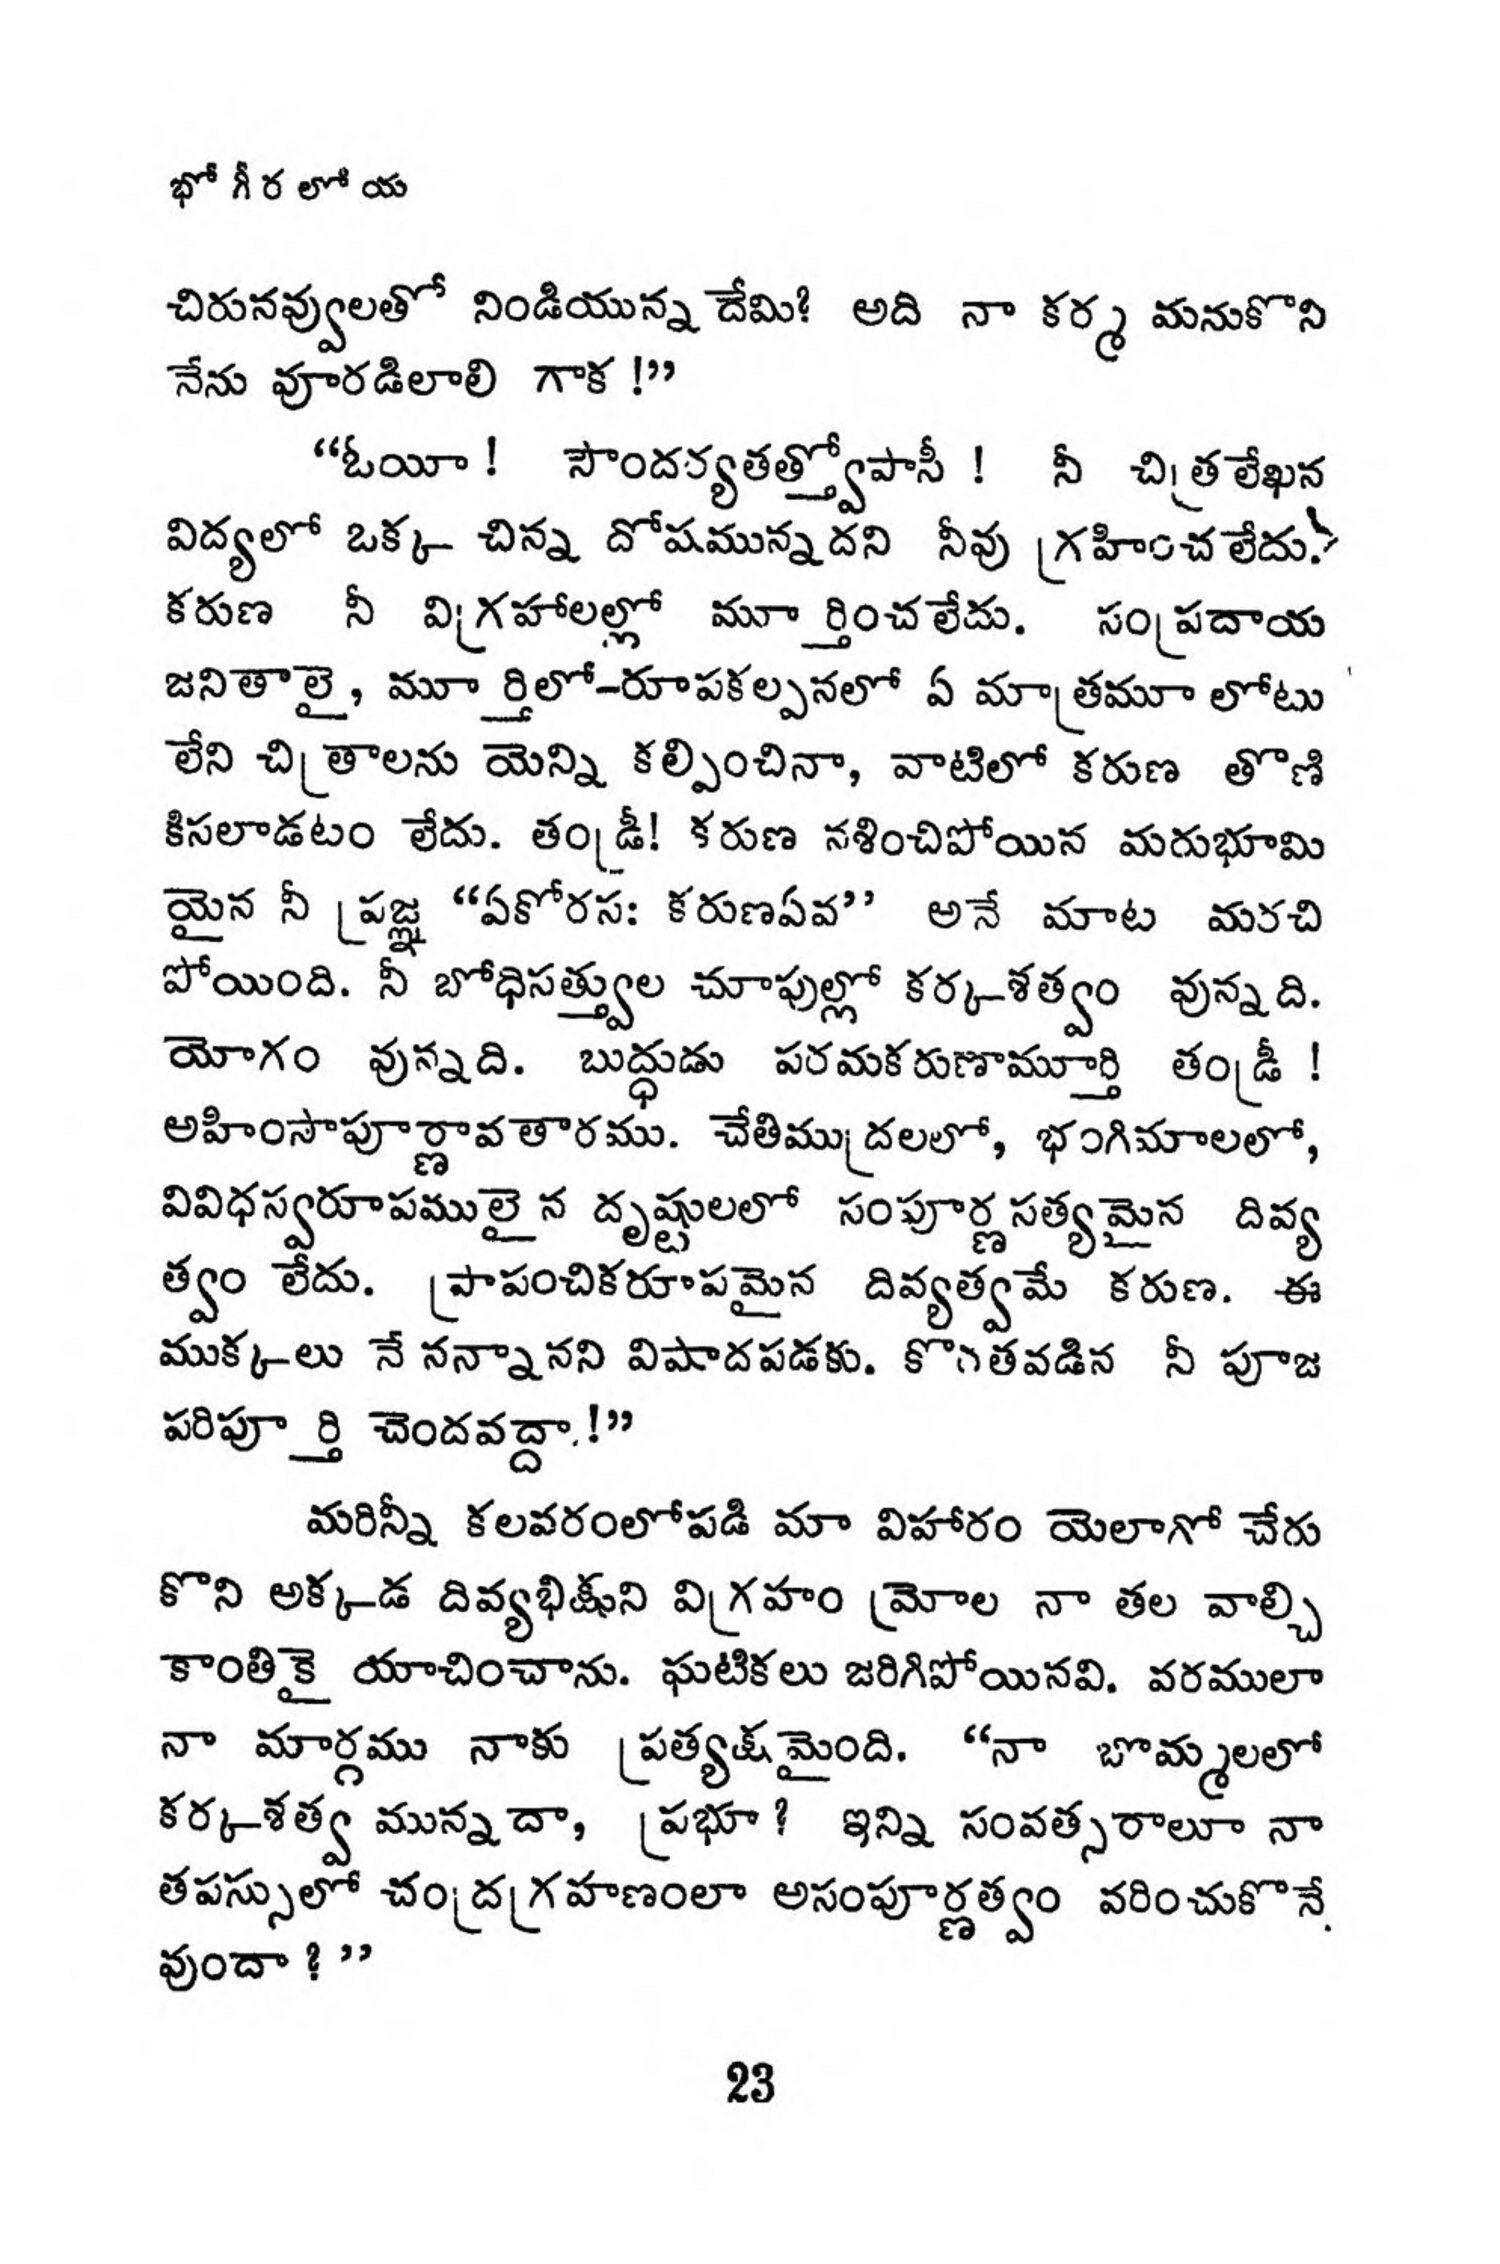చిరునవ్వులతో నిండియున్న దేమి? అది నా కర్మ మనుకొని నేను వూరడిలాలి గాక!”

“ఓయీ! సౌందర్యతత్త్వోపాసీ! నీ చిత్రలేఖన విద్యలో ఒక్క చిన్న దోషమున్నదని నీవు గ్రహించలేదు. కరుణ నీ విగ్రహాలల్లో మూర్తించలేదు. సంప్రదాయ జనితాలై, మూర్తిలో-రూపకల్పనలో ఏ మాత్రమూ లోటు లేని చిత్రాలను యెన్ని కల్పించినా, వాటిలో కరుణ తొణికిసలాడటం లేదు. తండ్రీ! కరుణ నశించిపోయిన మరుభూమి యైన నీ ప్రజ్ఞ “ఏకోరసః కరుణఏవ” అనే మాట మరచి పోయింది. నీ బోధిసత్త్వుల చూపుల్లో కర్కశత్వం వున్నది. యోగం వున్నది. బుద్ధుడు పరమకరుణామూర్తి తండ్రీ! అహింసాపూర్ణావతారము. చేతిముద్రలలో, భంగిమాలలో, వివిధస్వరూపములైన దృష్టులలో సంపూర్ణ సత్యమైన దివ్యత్వం లేదు. ప్రాపంచికరూపమైన దివ్యత్వమే కరుణ. ఈ ముక్కలు నే నన్నానని విషాదపడకు. కొరతవడిన నీ పూజ పరిపూర్తి చెందవద్దా!”

మరిన్నీ కలవరంలోపడి మా విహారం యెలాగో చేరుకొని అక్కడ దివ్యభిక్షుని విగ్రహం మ్రోల నా తల వాల్చి కాంతికై యాచించాను. ఘటికలు జరిగిపోయినవి. వరములా నా మార్గము నాకు ప్రత్యక్షమైంది. “నా బొమ్మలలో కర్కశత్వ మున్నదా, ప్రభూ? ఇన్ని సంవత్సరాలూ నా తపస్సులో చంద్రగ్రహణంలా అసంపూర్ణత్వం వరించుకొనే వుందా?”